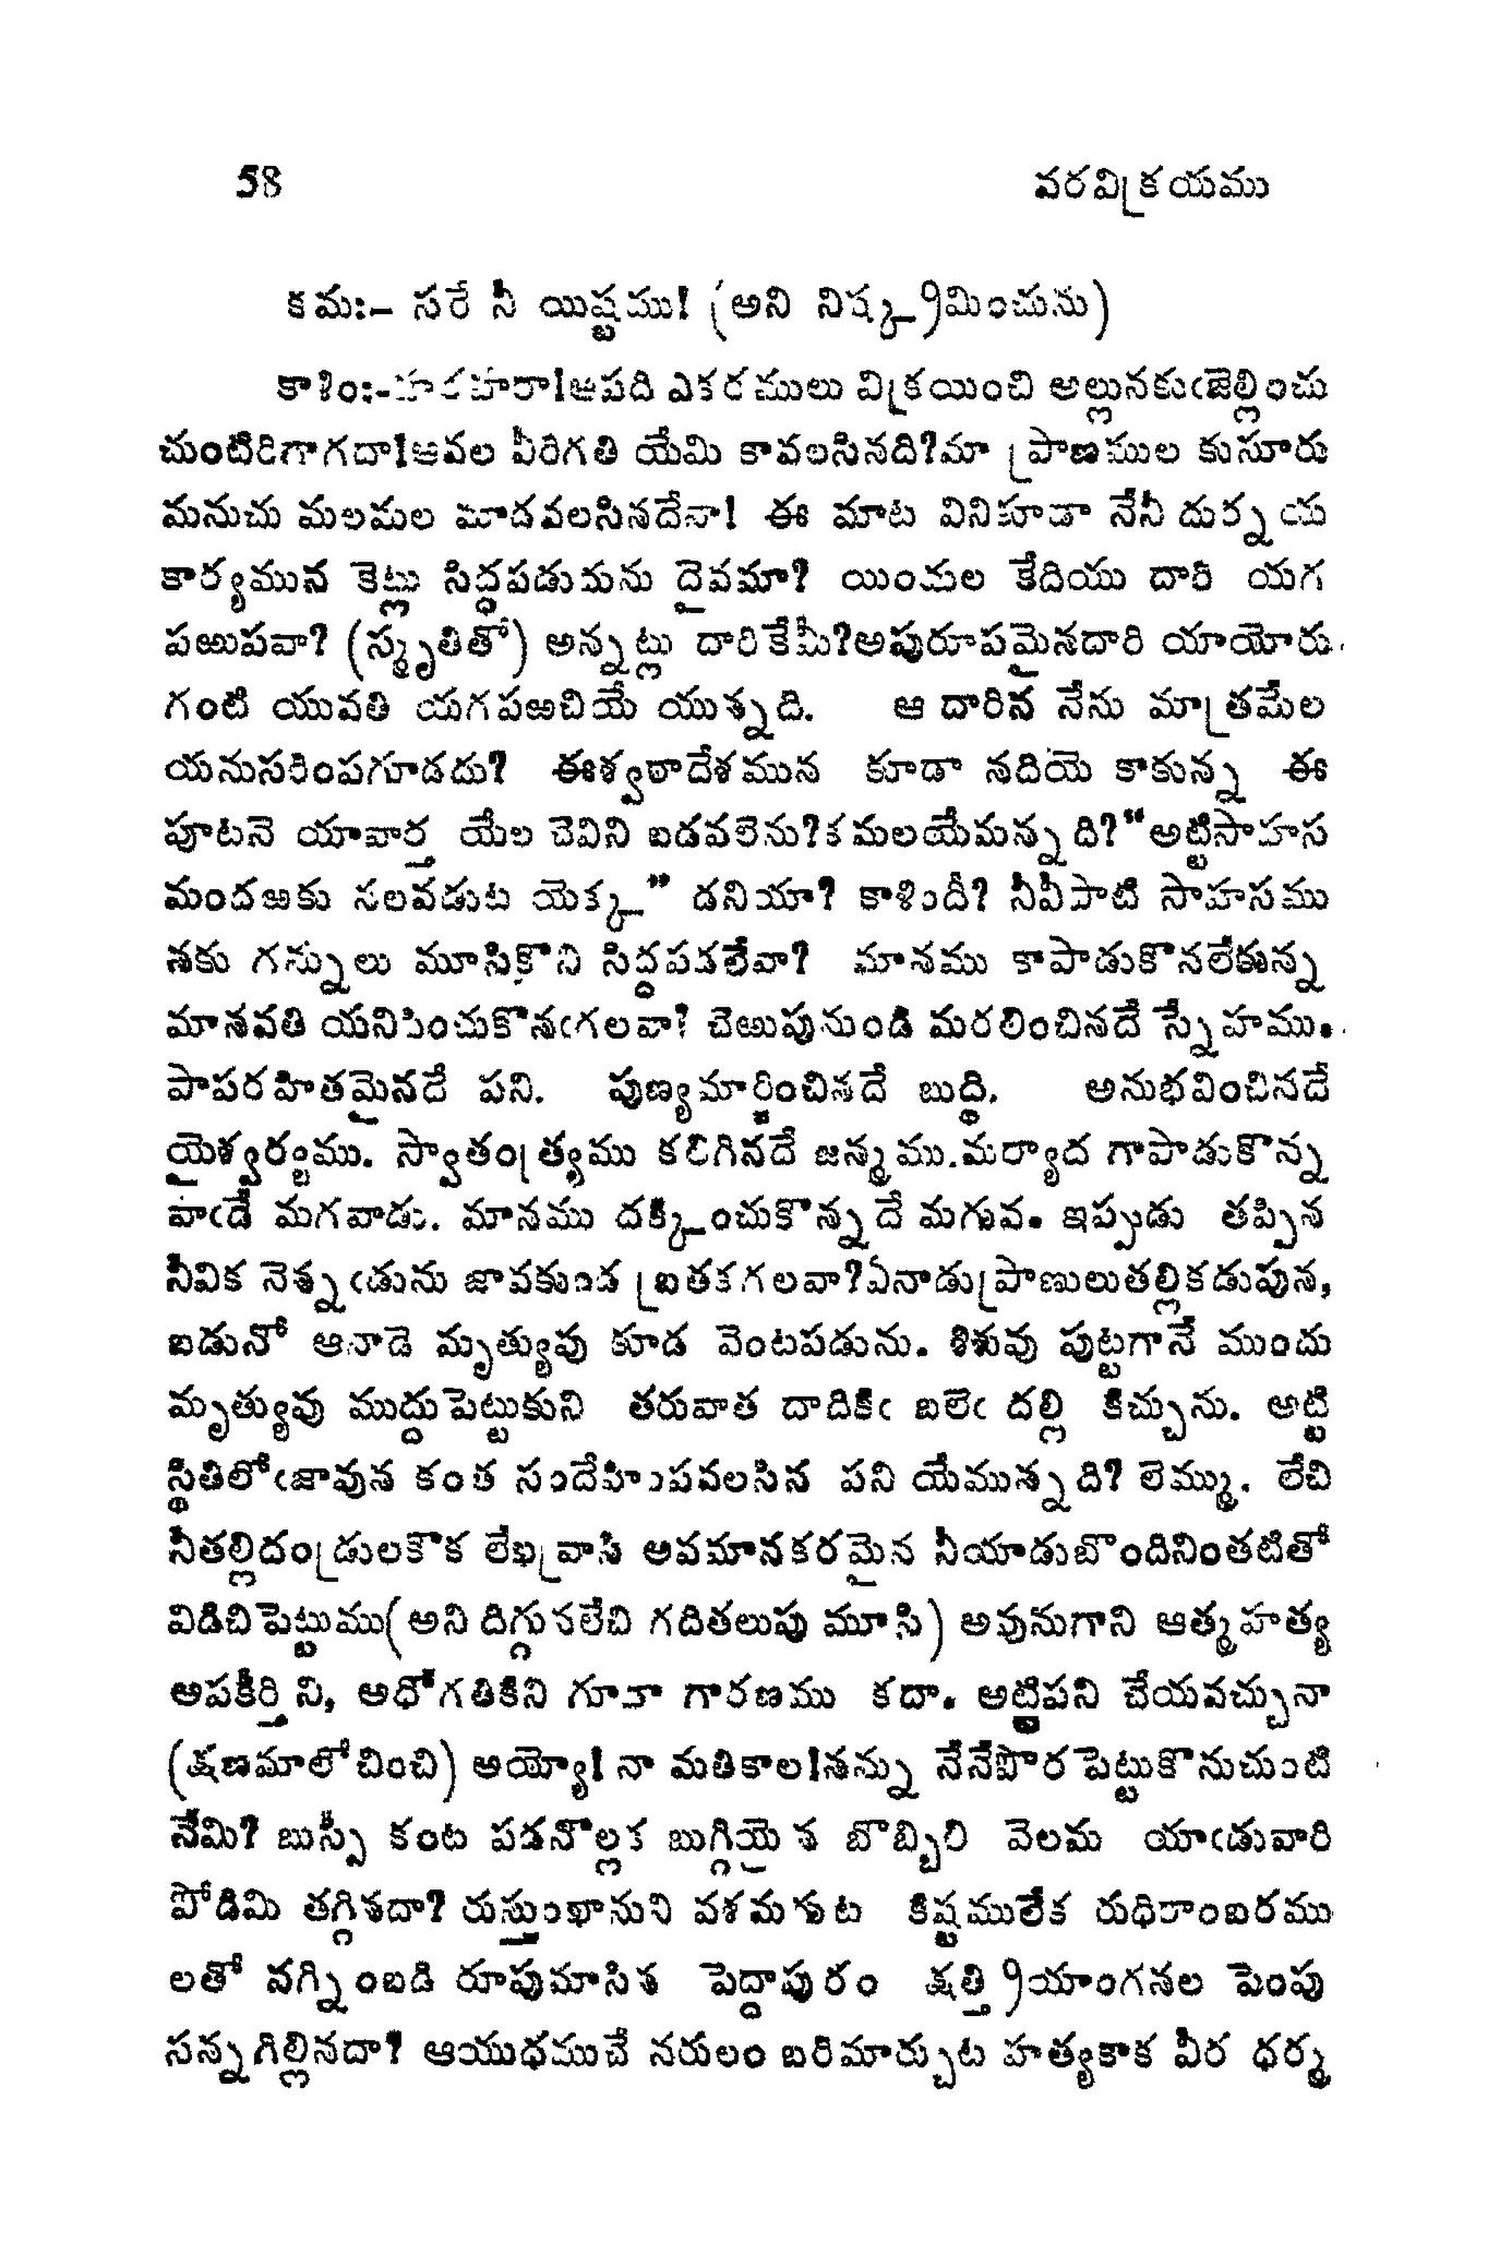కమ :- సరే నీ యిష్టము! (అని నిష్క్రమించును.)

కాళిం :- హరహరా! ఆపది ఎకరములు విక్రయించి, అల్లునకుఁ జెల్లించుచుంటిరిగా గదా! ఆవల వీరిగతి యేమికావలసినది? మా ప్రాణముల కుసూరు మనుచు మలమల మాడవలసినదేనా? ఈ మాట వినికూడ నేనీ దుర్నయకార్యమున కెట్లు సిద్ధపడుదును దైవమా? యిందుల కేదియు దారి యగపఱుపవా? (స్మృతితో) అన్నట్లు దారికేమీ? అపురూపమైనదారి యాయోరుగంటి యువతి యగపఱిచియే యున్నది. ఆ దారిని నేను మాత్రమేల యనుసరింప గూడదు? ఈశ్వరాదేశమున కూడ నదియె కాకున్న ఈ పూటనె యావార్త యేల చెవిని బడవలెను? కమలయేమన్నది? "అట్టి సాహస మందఱకు నలవడుట యెక్క" డనియా? కాళిందీ? నీవీపాటి సాహసమునకుఁ గన్నులు మూసికొని సిద్ధపడలేవా? మానము కాపాడుకొనలేకున్న మానవతి యనిపించుకొనఁగలవా? చెఱుపునుండి మరలించినదే స్నేహము. పాపరహితమైనదే పని, పుణ్యమార్జించినదే బుద్ధి. అనుభవించినదే యైశ్వర్యము. స్వాతంత్ర్యము కలిగినదే జన్మము, మర్యాద గాపాడుకొన్నవాఁడే మగవాఁడు. మానము దక్కించుకొన్నదే మగువ. ఇప్పుడు తప్పిన నీవిక నెన్నఁడును జావకుండ బ్రతుక గలవా? ఏనాడు ప్రాణులు తల్లికడుపున, బడునో ఆనాడె మృత్యువు కూడ వెంటపడును. శిశువు పుట్టగానే ముందు మృత్యువు ముద్దుపెట్టుకొని తరువాత దాదికిఁఁ బలెఁ దల్లి కిచ్చును. అట్టి స్థితిలోఁ జావున కంత సందేహింపవలసిన పని యేమున్నది? లెమ్ము. లేచి నీ తలల్లిదండ్రులకొక లేఖవ్రాసి అవమానకరమైన నీయాడుబొంది నింతటితో విడిచిపెట్టుము. (అని దిగ్గునలేచి, గది తలుపు మూసి) అవునుగాని ఆత్మహత్య అపకీర్తికిని, అధోగతికిని గూడ గారణము కదా. అట్టిపని చేయవచ్చునా? (క్షణమాలోచించి) అయ్యో! నా మతికాల! నన్ను నేనేపొరపెట్టుకొనుచుంటి నేమి? బుస్సీ కంట పడనొల్లక బుగ్గియైన బొబ్బిలి వెలమ యాఁడువారి పోడిమి తగ్గినదా? రుస్తుంఖానుని వశమగుట కిష్టములేక, రుధిరాంబరంబులతో నగ్నింబడి రూపుమాసిన పెద్దాపుర క్షత్రియాంగనల పెంపు సన్నగిల్లినదా? ఆయుధముచే నరులం బరిమార్చుట హత్యకాక, వీర ధర్మ